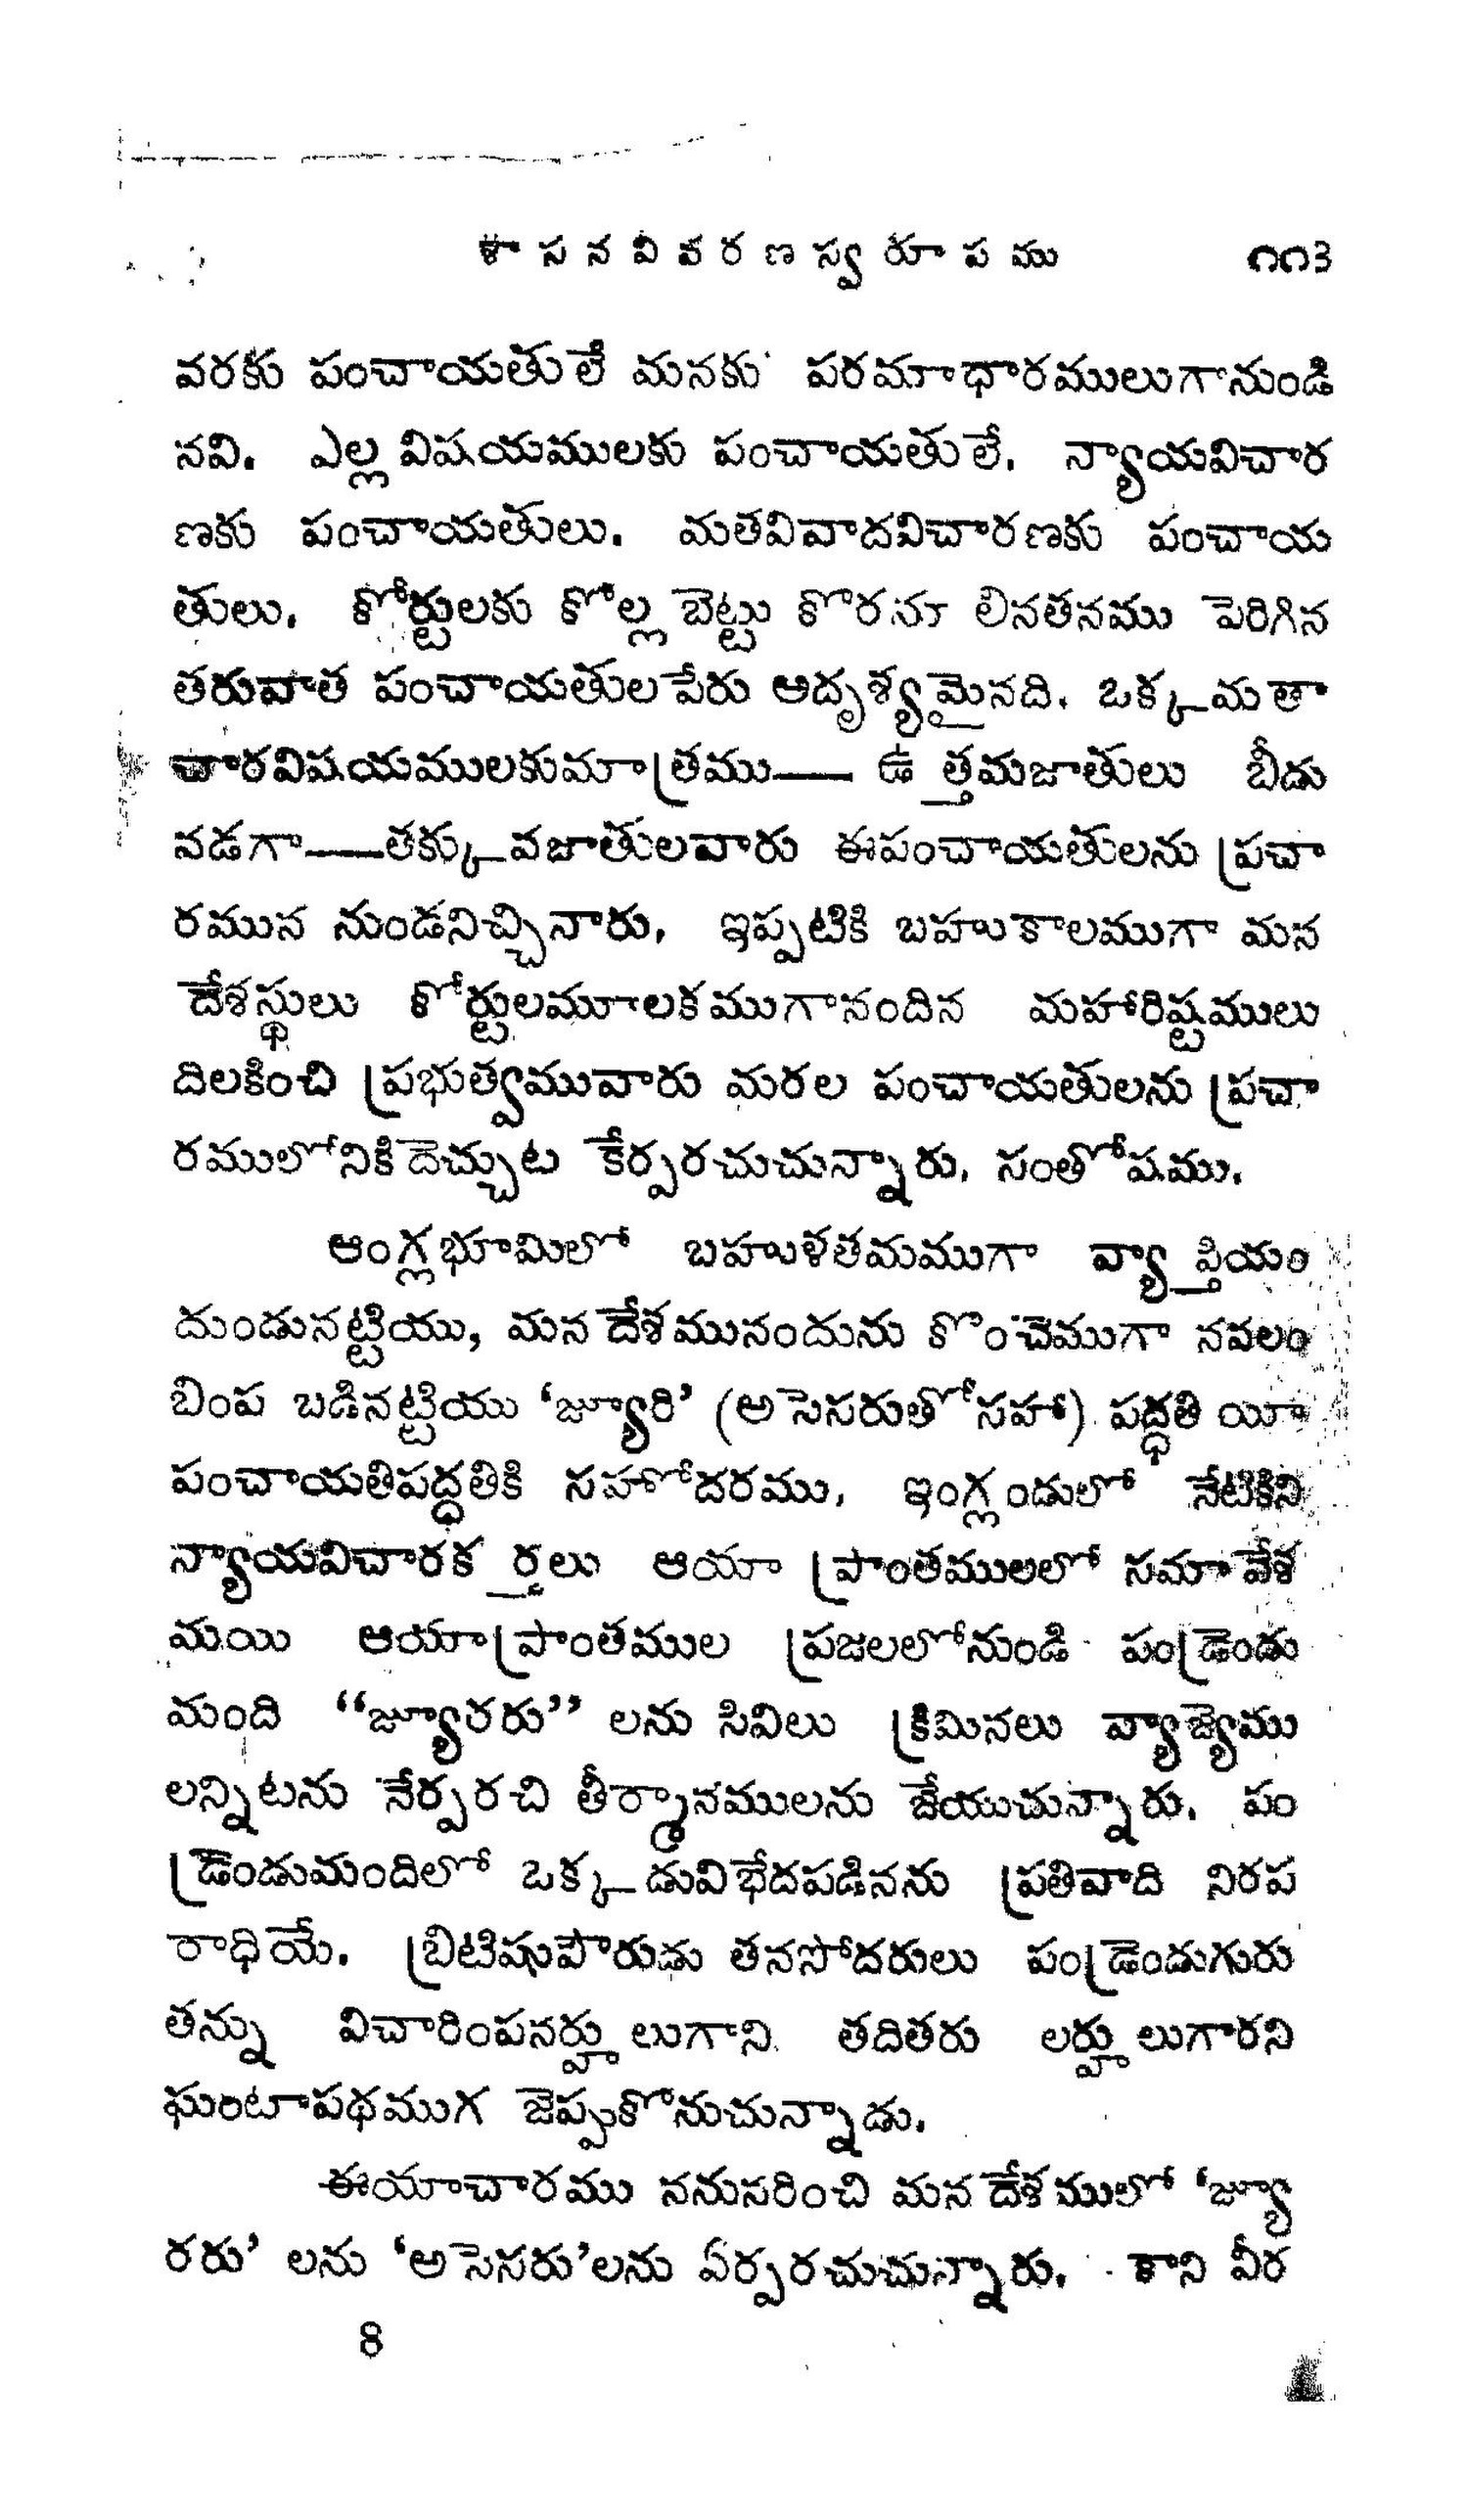వరకు పంచాయతులే మనకు పరమాధారములుగానుండినవి. ఎల్లవిషయములకు పంచాయతులే. న్యాయవిచారణకు పంచాయతులు. మతవివాదవిచారణకు పంచాయతులు. కోర్టులకు కొల్లబెట్టు కొరమా లినతనము పెరిగిన తరువాత పంచాయతులపేరు అదృశ్యమైనది. ఒక్కమతాచార విషయములకుమాత్రము - ఉత్తమజాతులు బీడువడగా తక్కువజాతులవారు ఈపంచాయతులను ప్రచారమున నుండనిచ్చినారు. ఇప్పటికి బహుకాలముగా మనదేశస్థులు కోర్టులమూలకముగానందిన మహారిష్టములు దిలకించి ప్రభుత్వమువారు మరల పంచాయతులను ప్రచారములోనికి దెచ్చుట కేర్పరచుచున్నారు. సంతోషము.

ఆంగ్లభూమిలో బహుళతమముగా వ్యాప్తియందుండునట్టియు, మనదేశమునందును కొంచెముగా నవలంబింప బడినట్టియు 'జ్యూరి' (అసెసరుతో సహా) పద్ధతి యీపంచాయతిపద్ధతికి సహోదరము. ఇంగ్లండులో నేటికిని న్యాయవిచారకర్తలు ఆయా ప్రాంతములలో సమావేశమయి ఆయాప్రాంతముల ప్రజలలోనుండి 'పండ్రెండుమంది. “జ్యూరరు” లను సివిలు క్రిమినలు వ్యాజ్యెములన్నిటను నేర్పరచి తీర్మానములను జేయుచున్నారు. పండ్రెండుమందిలో ఒక్కడువిభేదపడినను ప్రతివాది నిరపరాధియే. బ్రిటిషుపౌరుడు తనసోదరులు పండ్రెండుగురు తన్ను విచారింపనర్హులుగాని, తదితరు లర్హులుగారని
ఘంటాపథముగ జెప్పుకొనుచున్నాడు.

ఈయాచారము ననుసరించి మనదేశములో 'జ్యూరరు' లను 'అసెసరు'లను ఏర్పరచుచున్నారు. కాని వీర